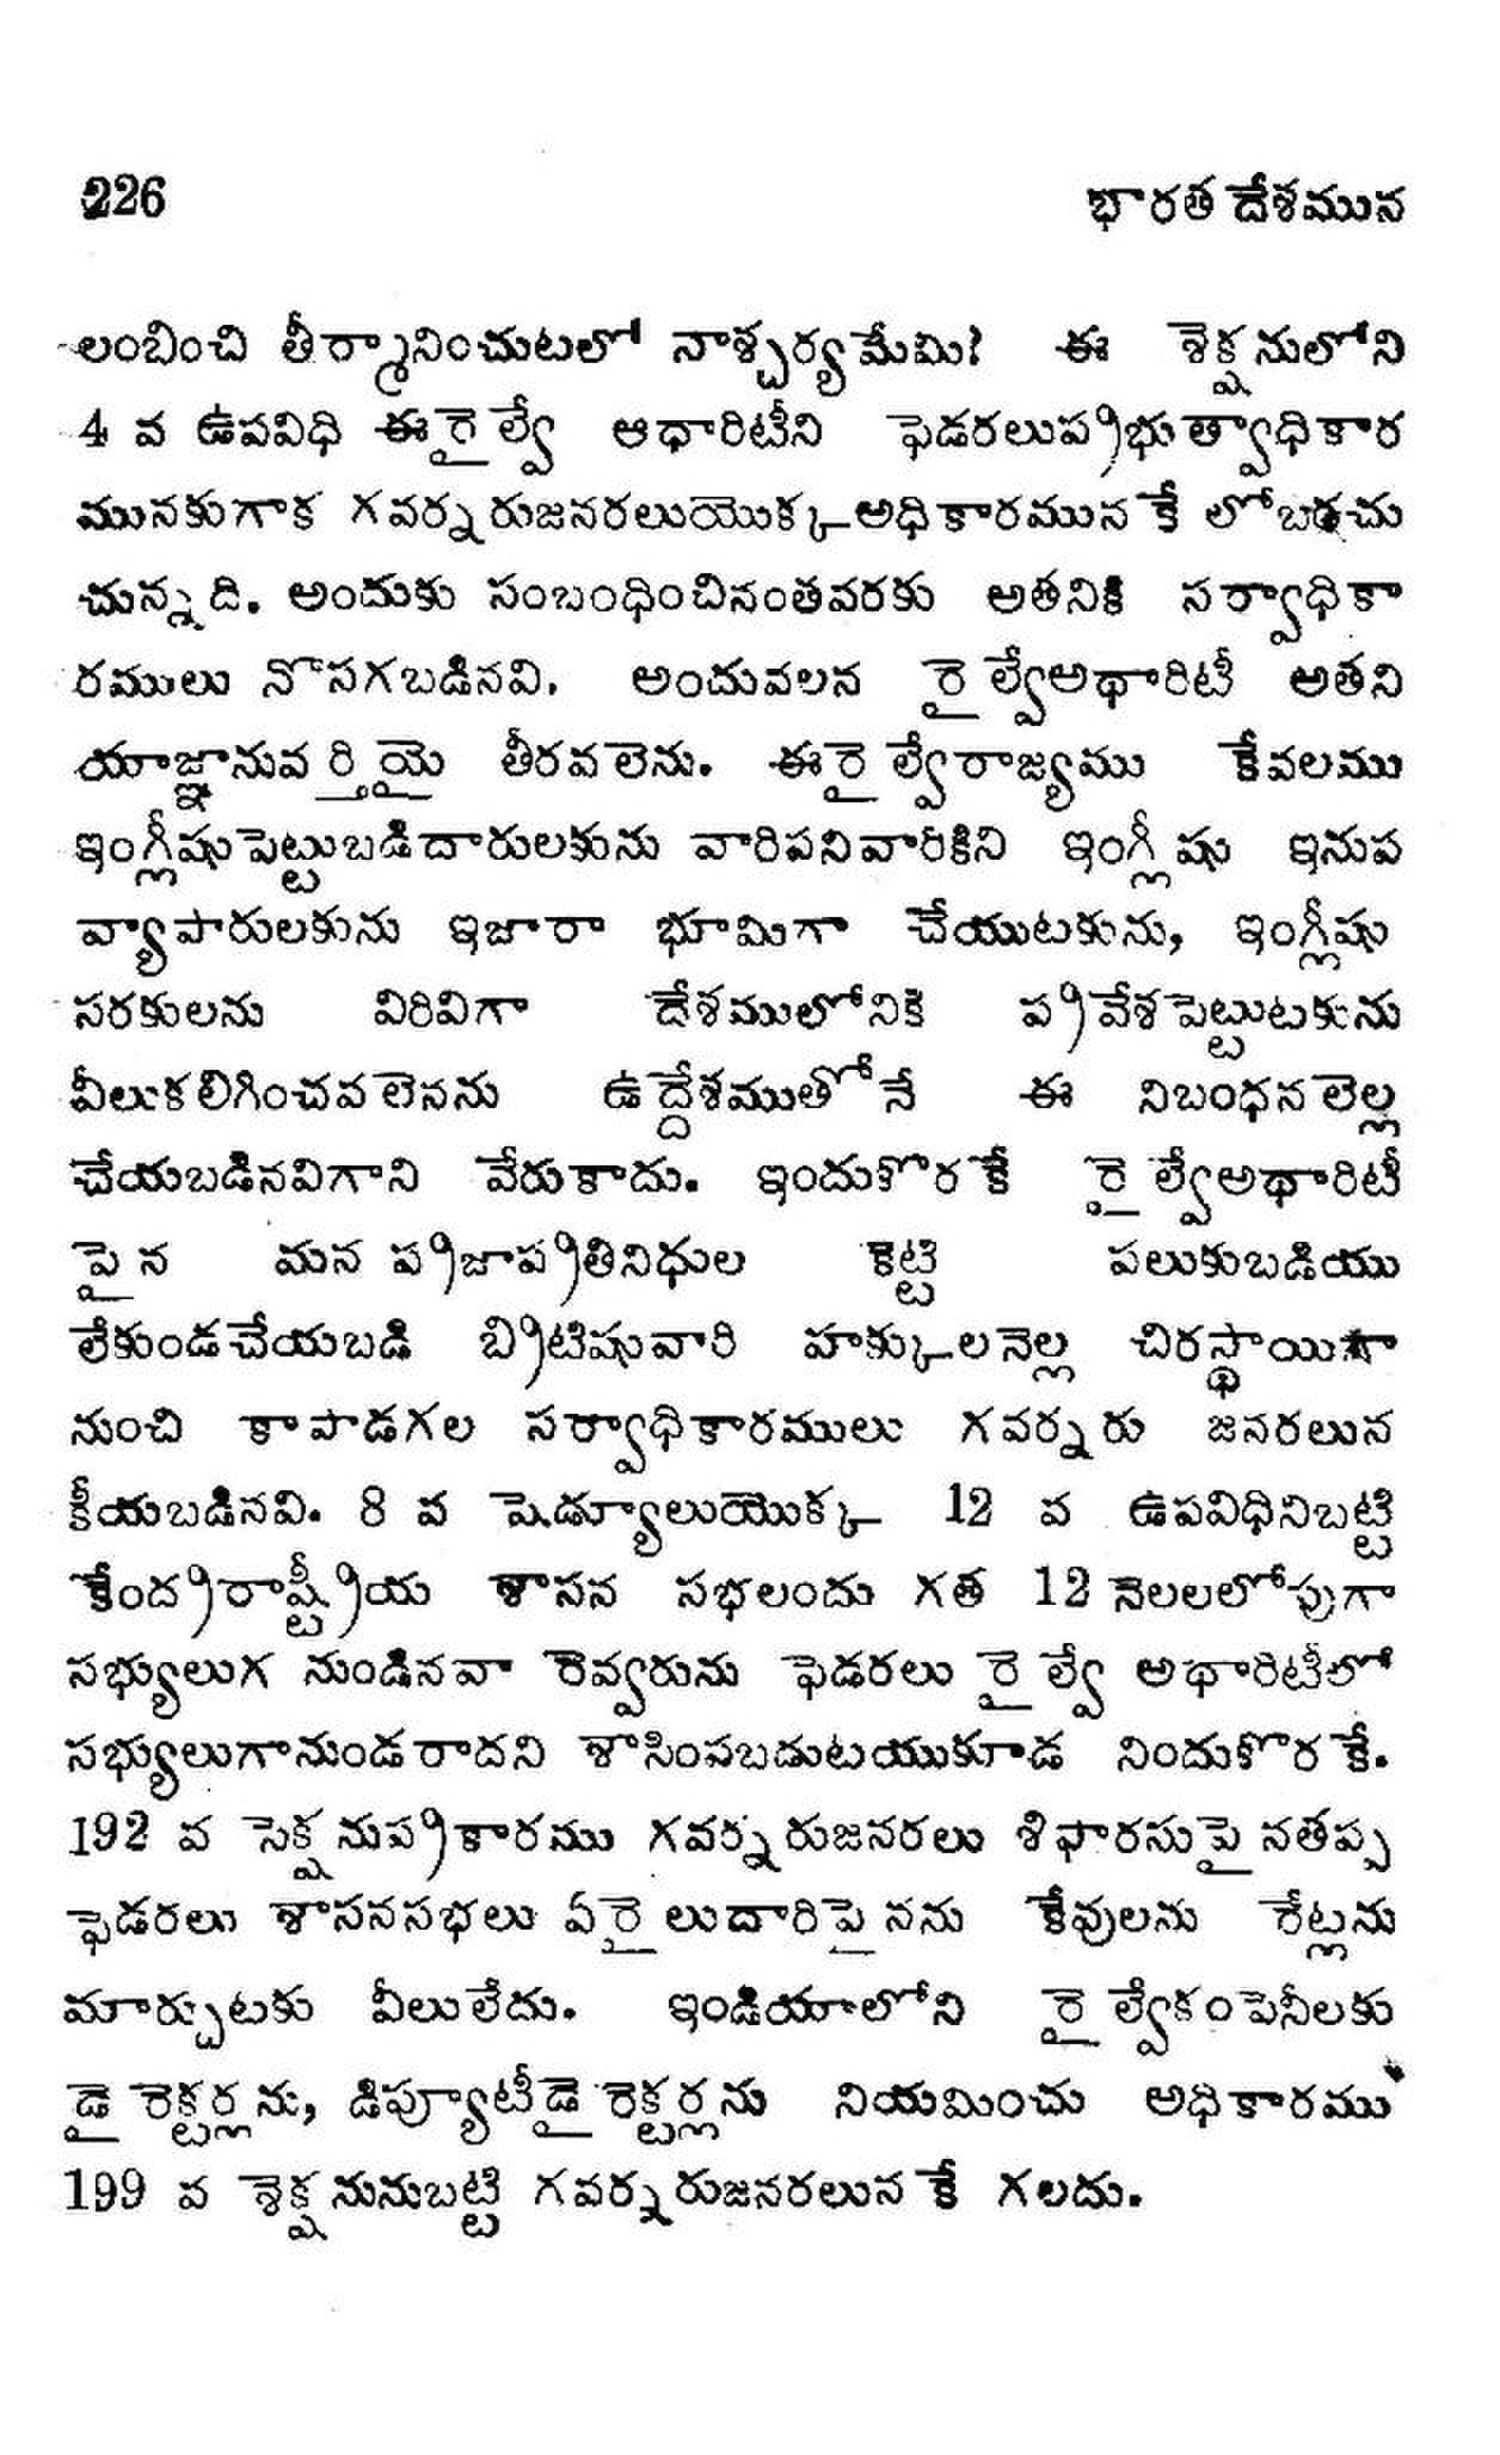లంబించి తీర్మానించుటలో నాశ్చర్యమేమి? ఈ శెక్షనులోని 4 వ ఉపవిధి ఈరైల్వే ఆధారిటీని ఫెడరలు ప్రభుత్వాధికారమునకుగాక గవర్నరుజనరలుయొక్క అధికారమున కే లోబడచు చున్నది. అందుకు సంబంధించినంతవరకు అతనికి సర్వాధికారములు నొసగబడినవి. అందువలన రైల్వేఅథారిటీ అతని యాజ్ఞానువర్తియై తీరవలెను. ఈరైల్వేరాజ్యము కేవలము ఇంగ్లీషుపెట్టుబడిదారులకును వారిపనివారికిని ఇంగ్లీషు ఇనుప వ్యాపారులకును ఇజారా భూమిగా చేయుటకును, ఇంగ్లీషు సరకులను విరివిగా దేశములోనికి ప్రవేశపెట్టుటకును వీలుకలిగించవలెనను ఉద్దేశముతోనే ఈ నిబంధనలెల్ల చేయబడినవిగాని వేరుకాదు. ఇందుకొరకే రైల్వేఅథారిటీ పైన మన ప్రజాప్రతినిధుల కెట్టి పలుకుబడియు లేకుండచేయబడి బ్రిటిషువారి హక్కులనెల్ల చిరస్థాయిగా నుంచి కాపాడగల సర్వాధికారములు గవర్నరు జనరలున కీయబడినవి. 8 వ షెడ్యూలుయొక్క 12 వ ఉపవిధినిబట్టి కేంద్రరాష్ట్రీయ శాసన సభలందు గత 12 నెలలలోపుగా సభ్యులుగ నుండినవా రెవ్వరును ఫెడరలు రైల్వే అథారిటీలో సభ్యులుగానుండరాదని శాసింపబడుటయు కూడ నిందుకొరకే. 192 వ సెక్షనుప్రకారము గవర్నరుజనరలు శిఫారసుపైనతప్ప ఫెడరలు శాసనసభలు ఏరైలుదారిపైనను కేవులను రేట్లను మార్చుటకు వీలులేదు. ఇండియాలోని రైల్వేకంపెనీలకు డైరెక్టర్లను, డిప్యూటీడైరెక్టర్లను నియమించు అధికారము 199 వ శెక్షనునుబట్టి గవర్నరుజనరలున కే గలదు.